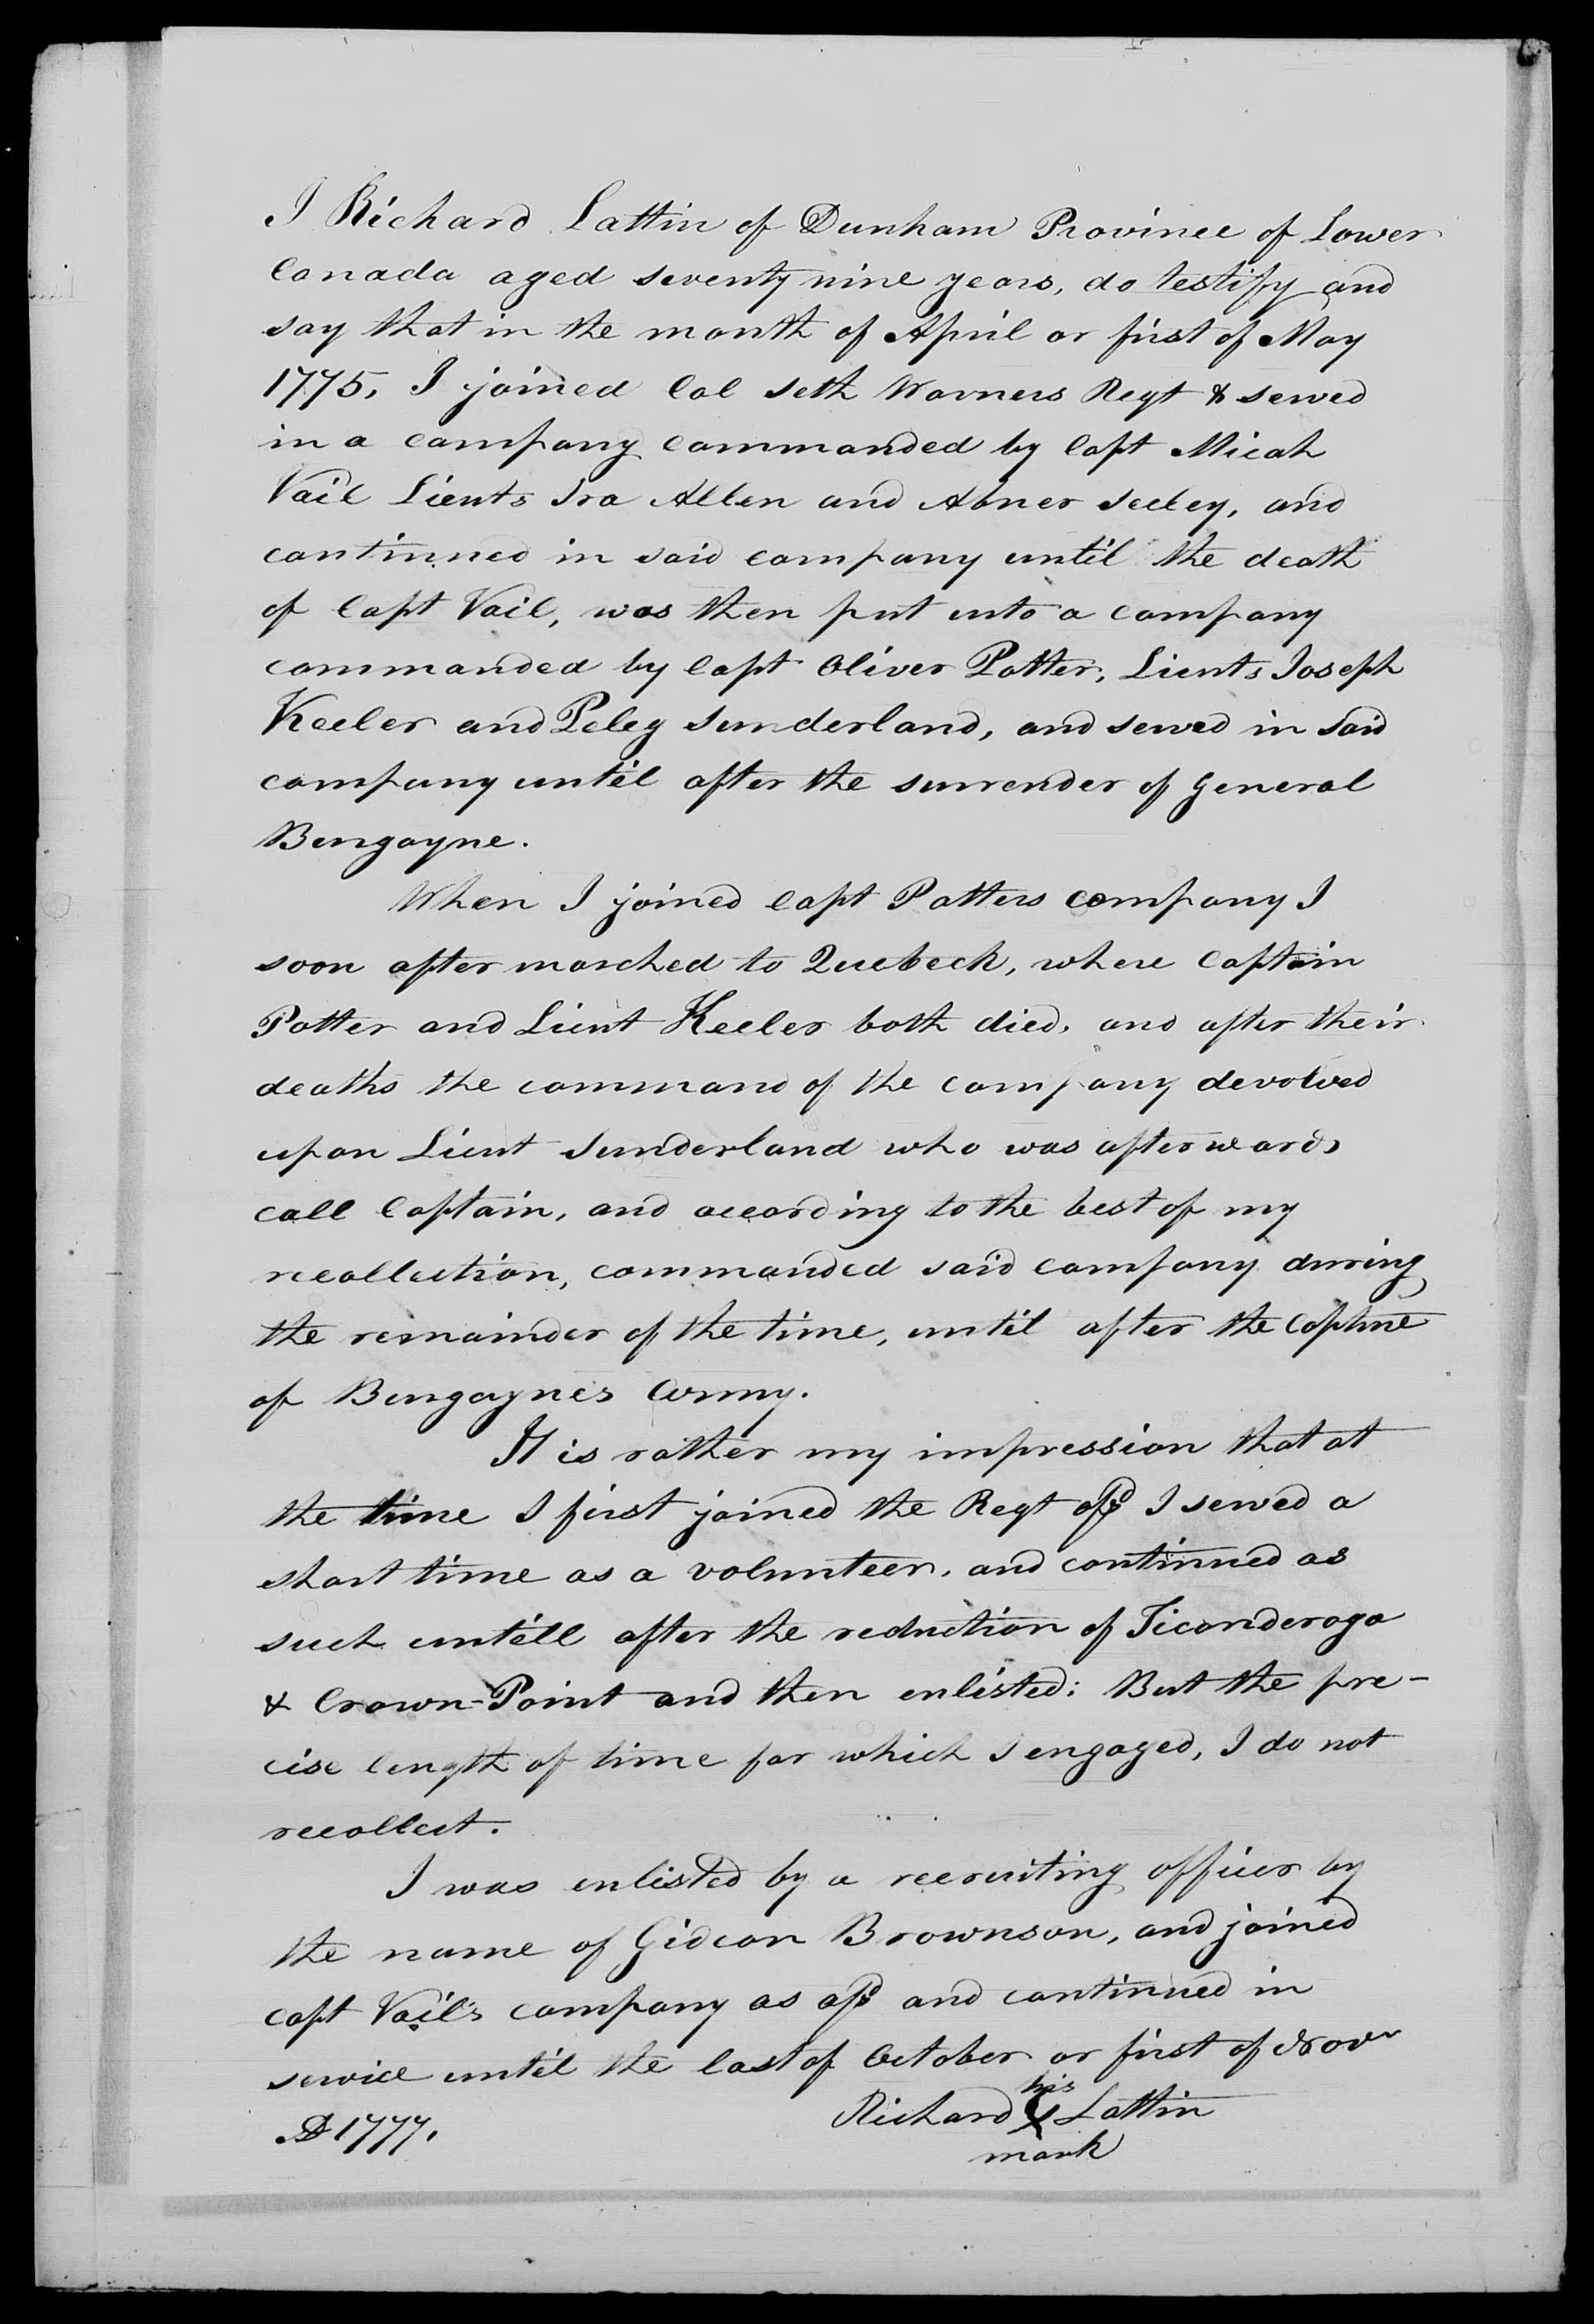I Richard Lattin of Dunham Province of Lower Canada aged seventy nine years, do testify and say that in the month of April or first of May 1775, I joined Col Seth Warners Regt & served in a company commanded by Capt Micah Vail Lieuts Ira Allen and Abner Seeley, and continued in said company until the death of Capt Vail, was then put into a company commanded by Capt. Oliver Potter, Lieuts Joseph Keeler and Peleg Sunderland, and served in said company until after the surrender of general Burgoyne.
When I joined Capt Potters company I soon after marched to Quebeck, where Captain Potter and Lieut Keeler both died, and after their deaths the command of the company devolved upon Lieut Sunderland who was afterwards call Captain, and according to the best of my recollection, commanded said company during the remainder of the time, until after the capture of Burgoyne's Army.
It is rather my impression that at the time I first joined the Regt afsd [aforesaid?] I served a short time as a volunteer and continued as such untill after the reduction of Ticonderoga & Crown-Point and then enlisted: But the precise length of time for which I engaged, I do not recollect.
I was enlisted by a recruiting officer by the name of Gideon Brownson, and joined Capt Vail's company as afsd [aforesaid?] and continued in service until the last of October or first of Novr AD 1777.
               his
Richard    X  Lattin
                mark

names: [BLANK] Sunderland; Oliver Potter; Peleg Keeler; Ira Allen; Abner Seeley; Micah Vail; Gideon Brownson; Joseph Keeler; Richard Lattin; [BLANK] Burgoyne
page: 97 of 99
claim: widow's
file: W. 24,482, for Richard Lattin, Vermont